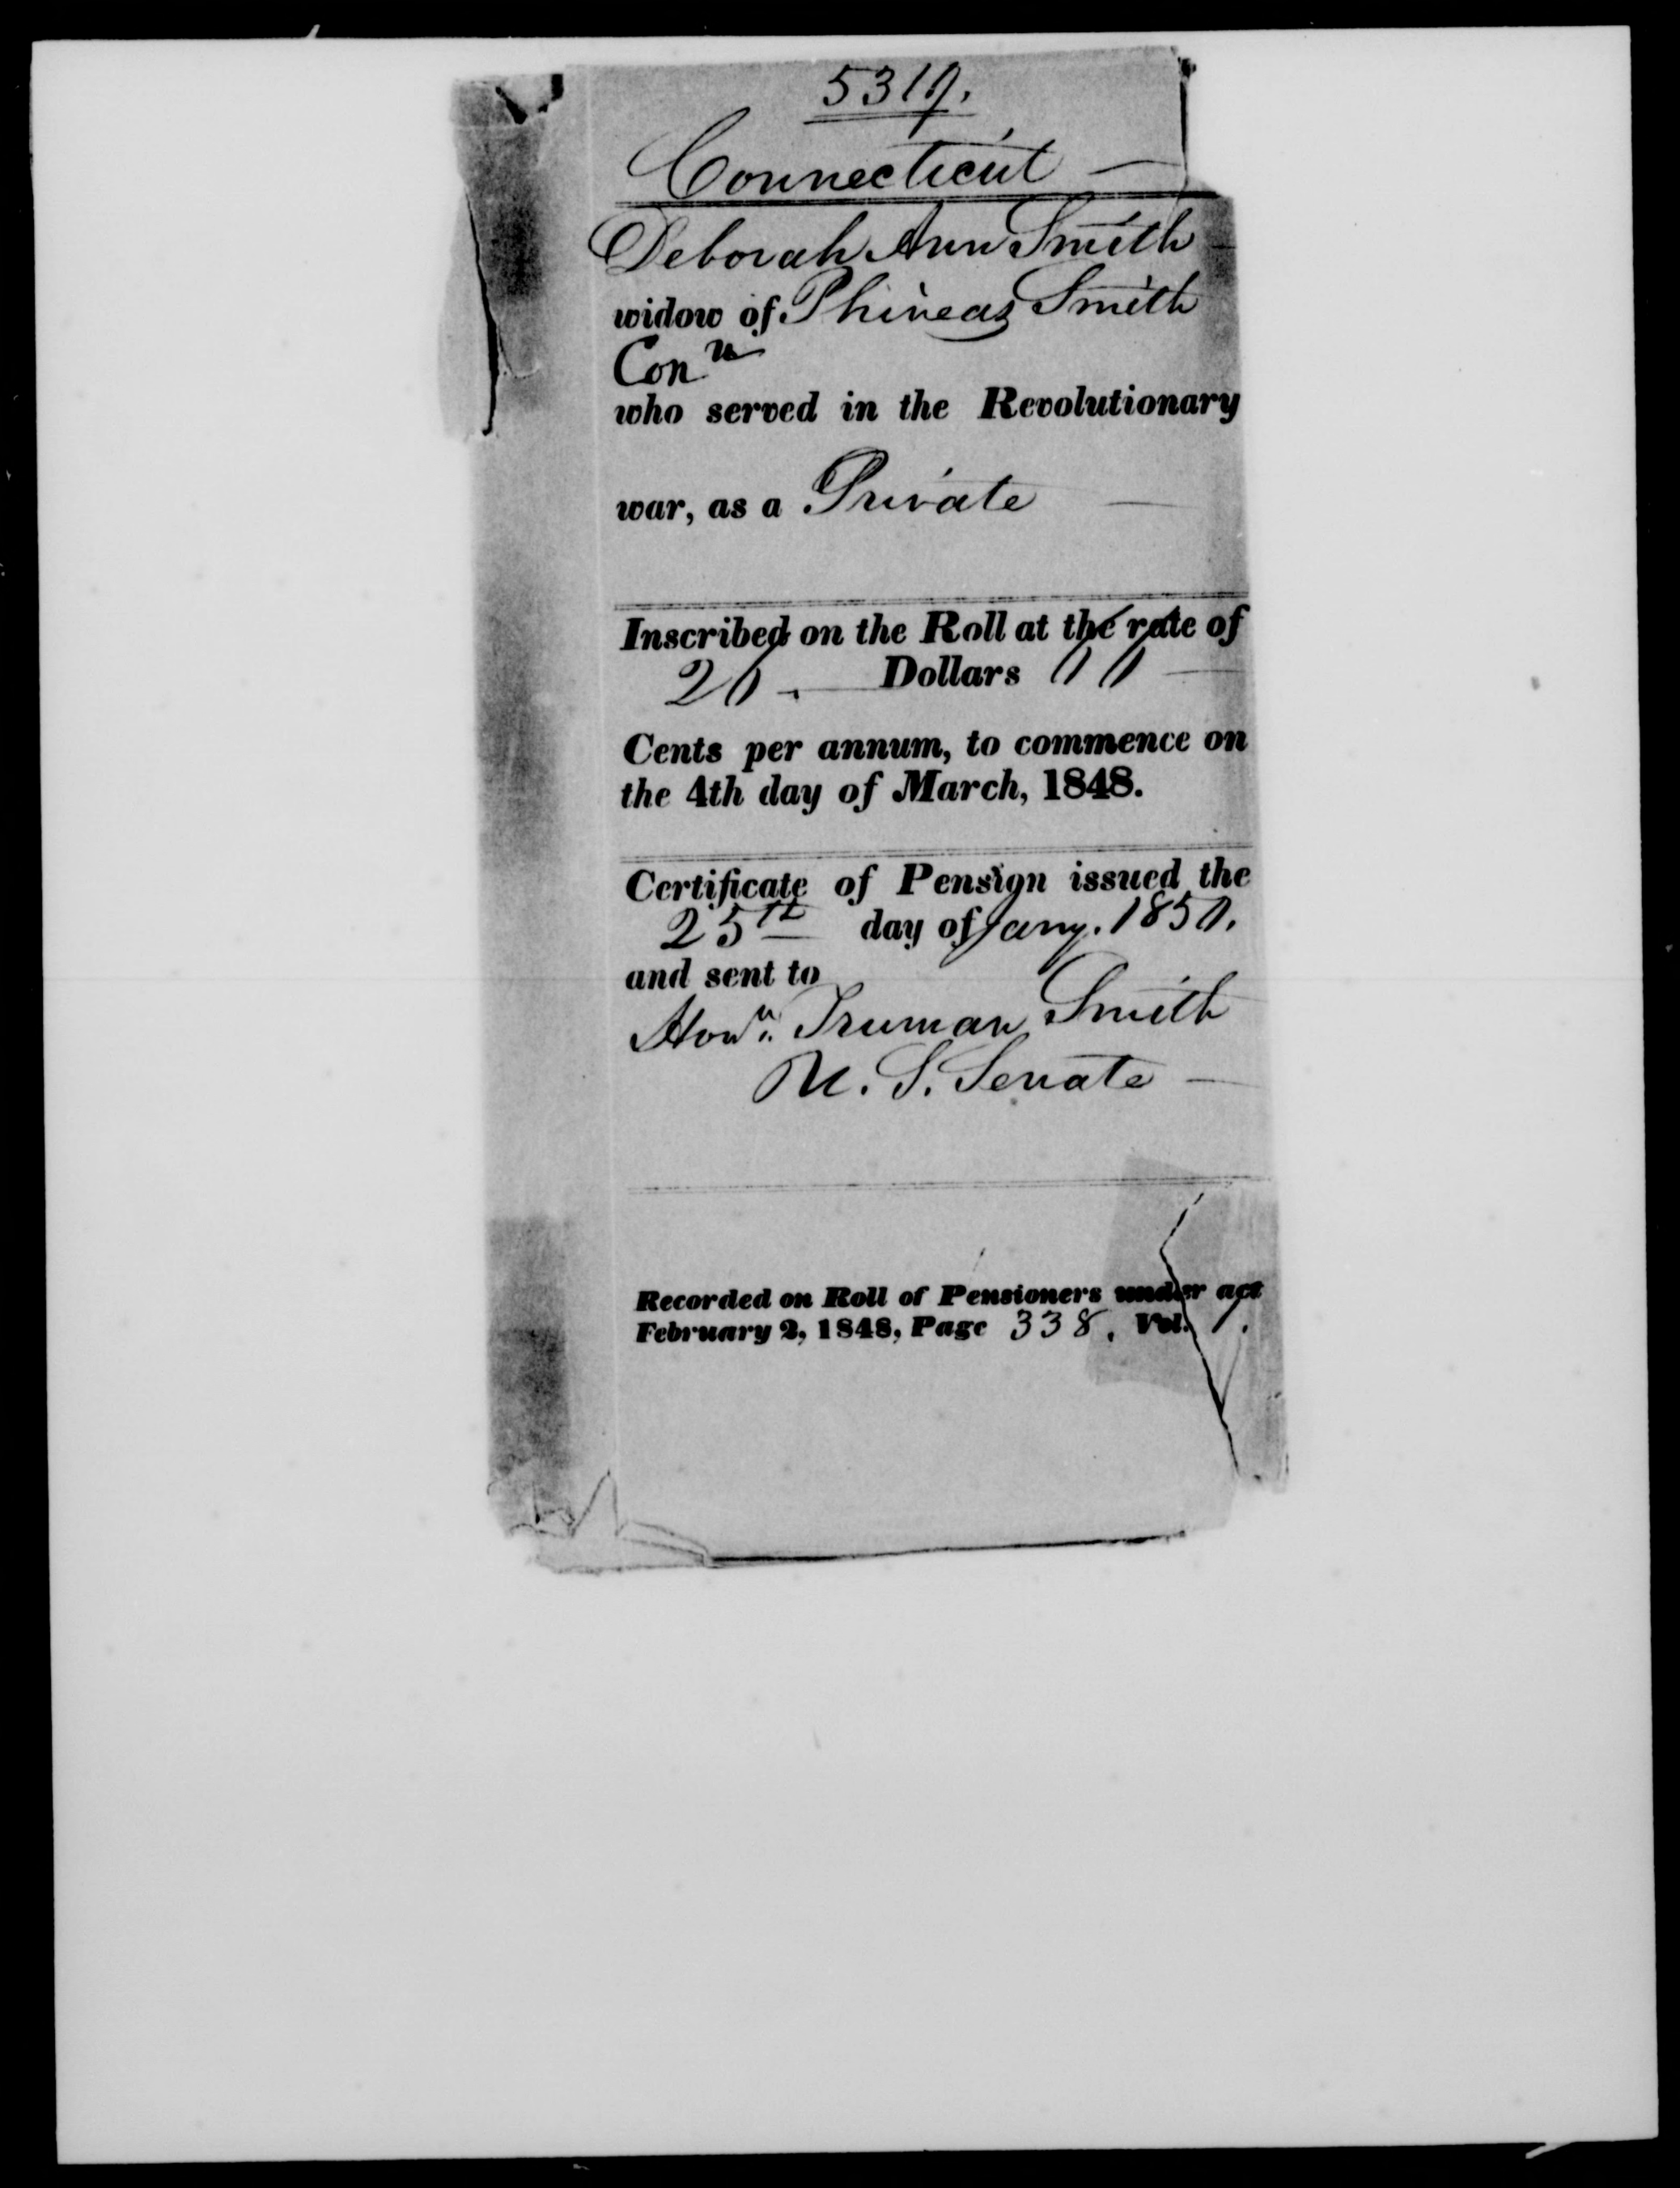5319, 
Connecticut 
Deborah Ann Smith 
widow of Phineas Smith Conn who served in the Revolutionary war, as a Private  
Inscribed on the Roll at the rate of 26 Dollars 66 Cents per annum, to commence on the 4th day of March, 1848. 
Certificate of Pension issued the 25th  day of Jany 1850 and sent to Honr Truman Smith U.S. Senate 
Recorded on Roll of Pensioners February 2, 1848, Page 338 Vol 1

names: Deborah Ann Smith; Truman Smith; Phineas Smith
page: 2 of 55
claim: widow's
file: W. 11480, for Phinehas Smith, Connecticut